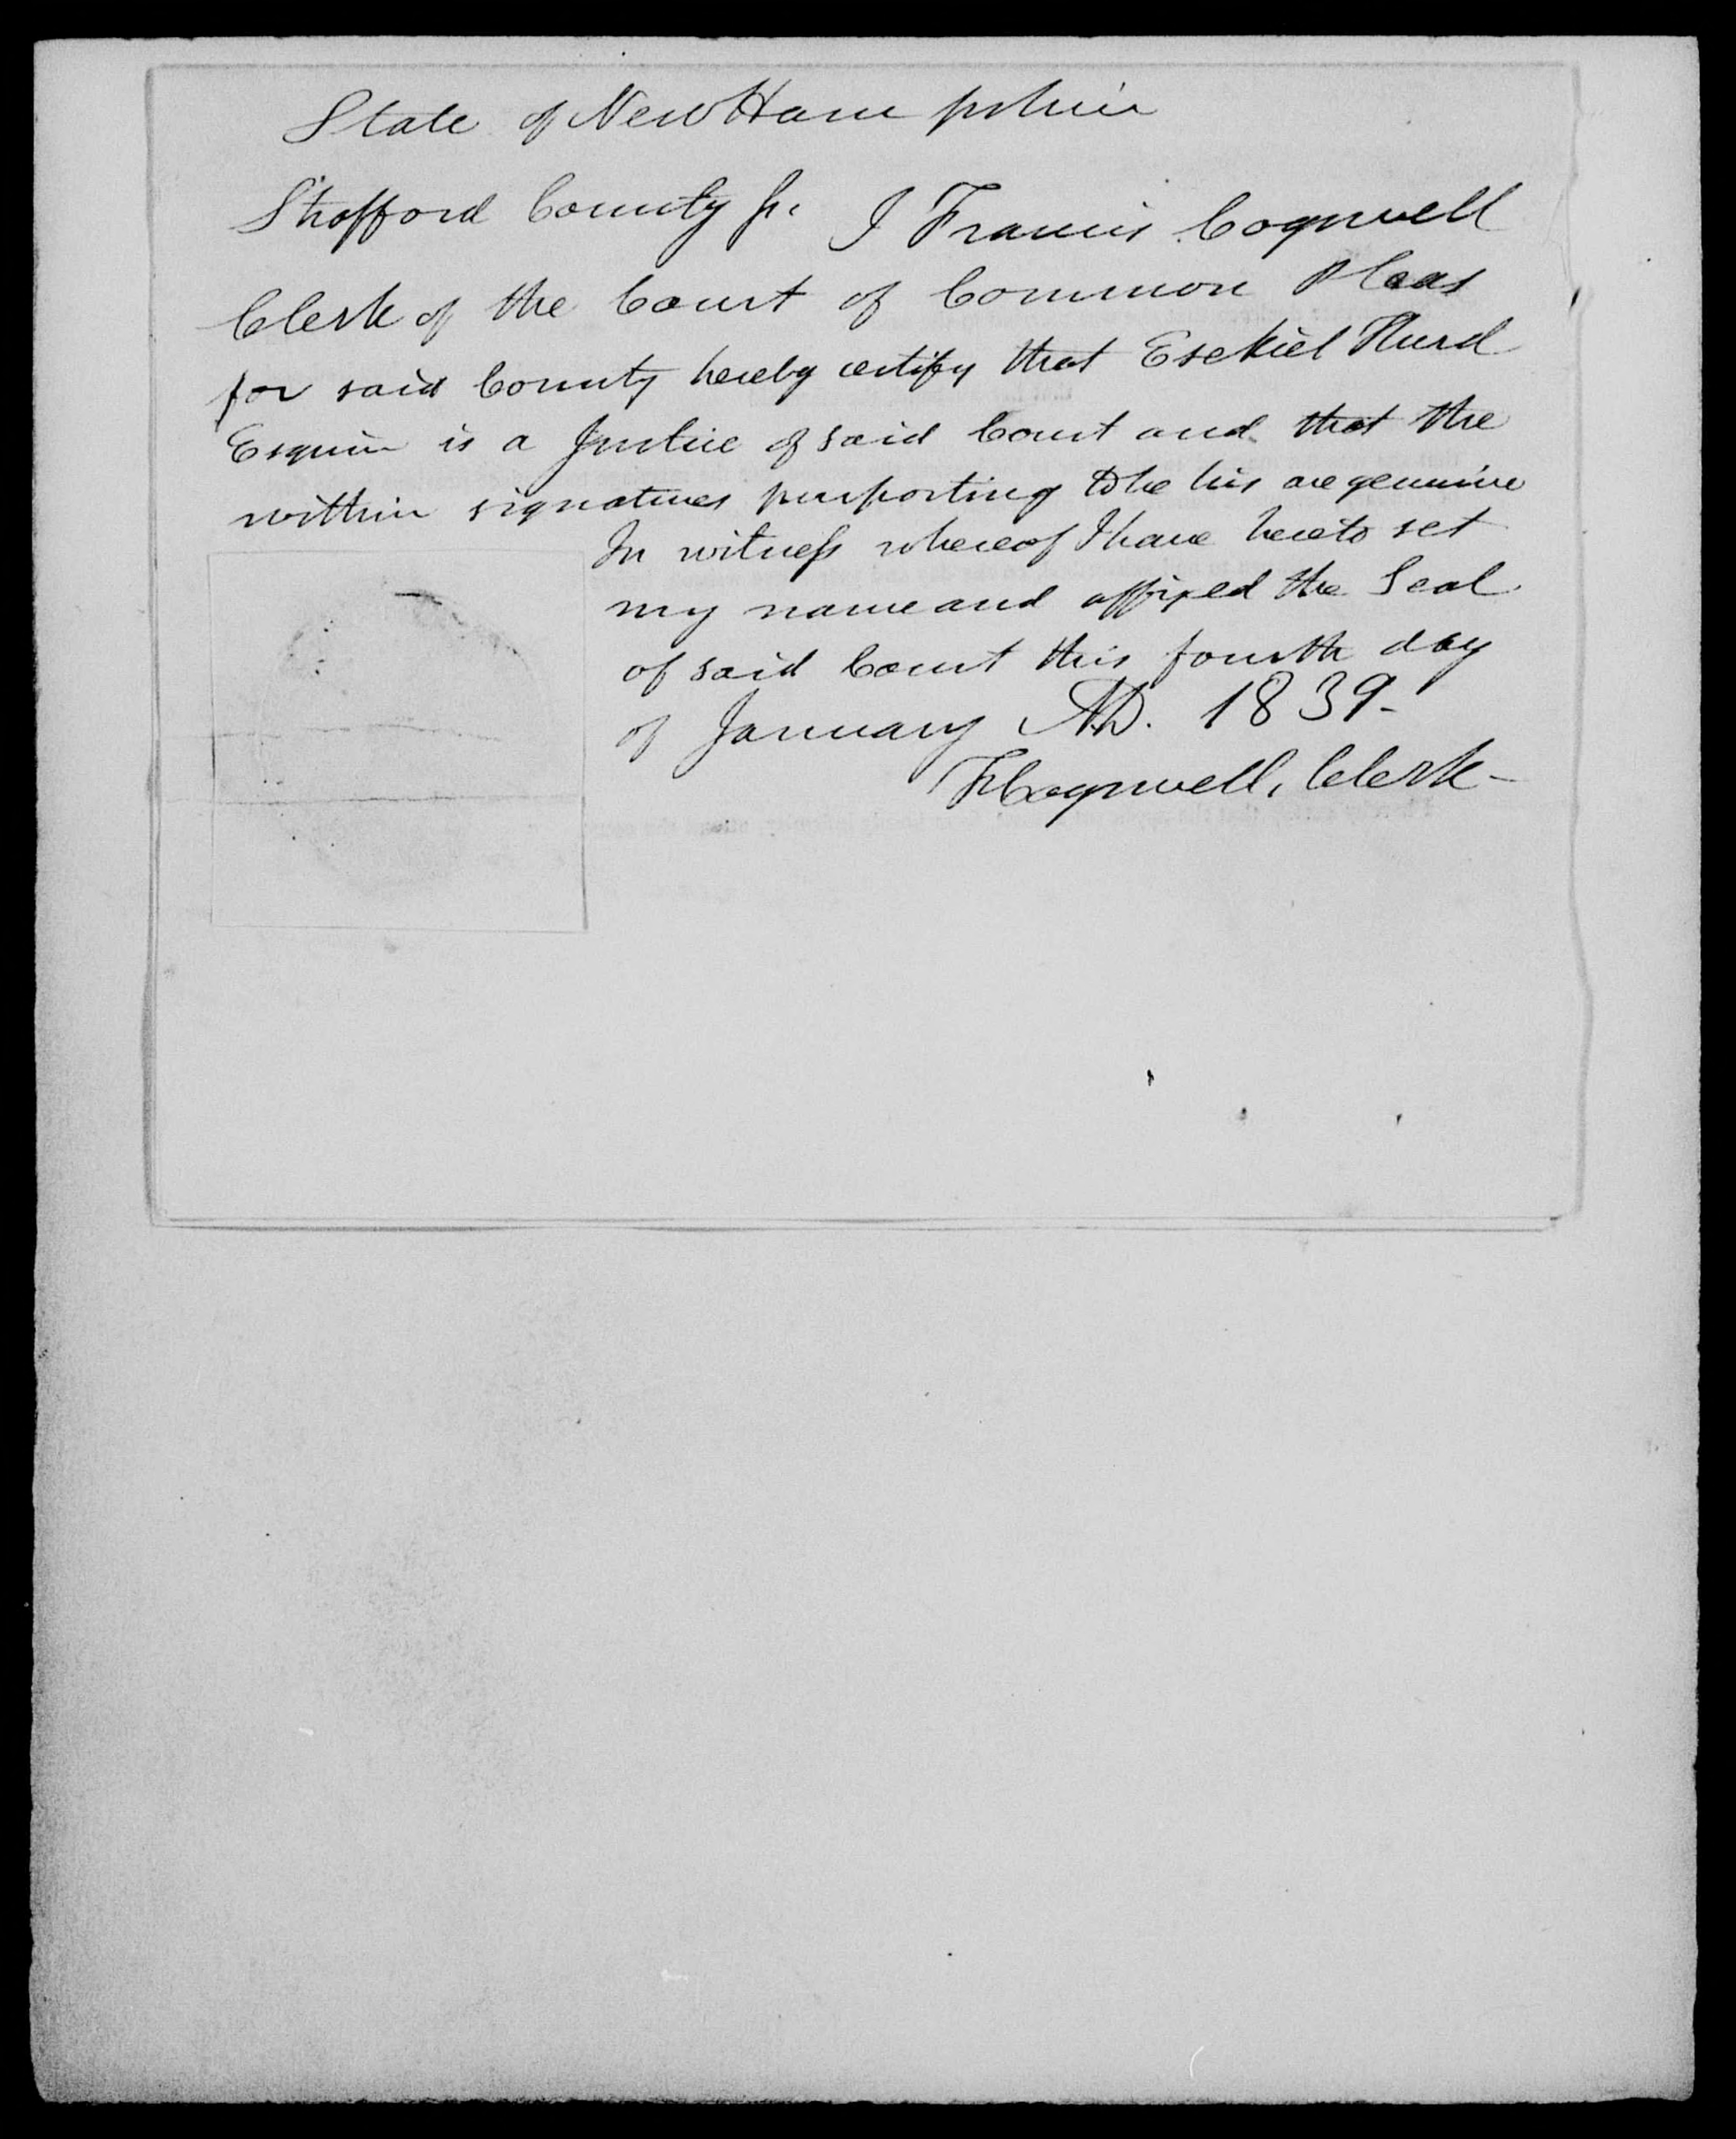State of New Hampshire [illegible]
Strafford County [?] I Francis Cogswell
Clerk of the Court of Common Please
for said County hereby certify that Ezekiel Hurd
Esquire is a Justice of said Court and that the
within signatures purporting to be his are genuine
In witness thereof I have hereto set
my name and affixed the Seal
of said Court this fourth day
of January AD 1839
FCogswell, Clerk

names: Ezekiel Hurd, Francis Cogswell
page: 6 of 35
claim: widow's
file: W. 16127, Israel Huckins, N.H.